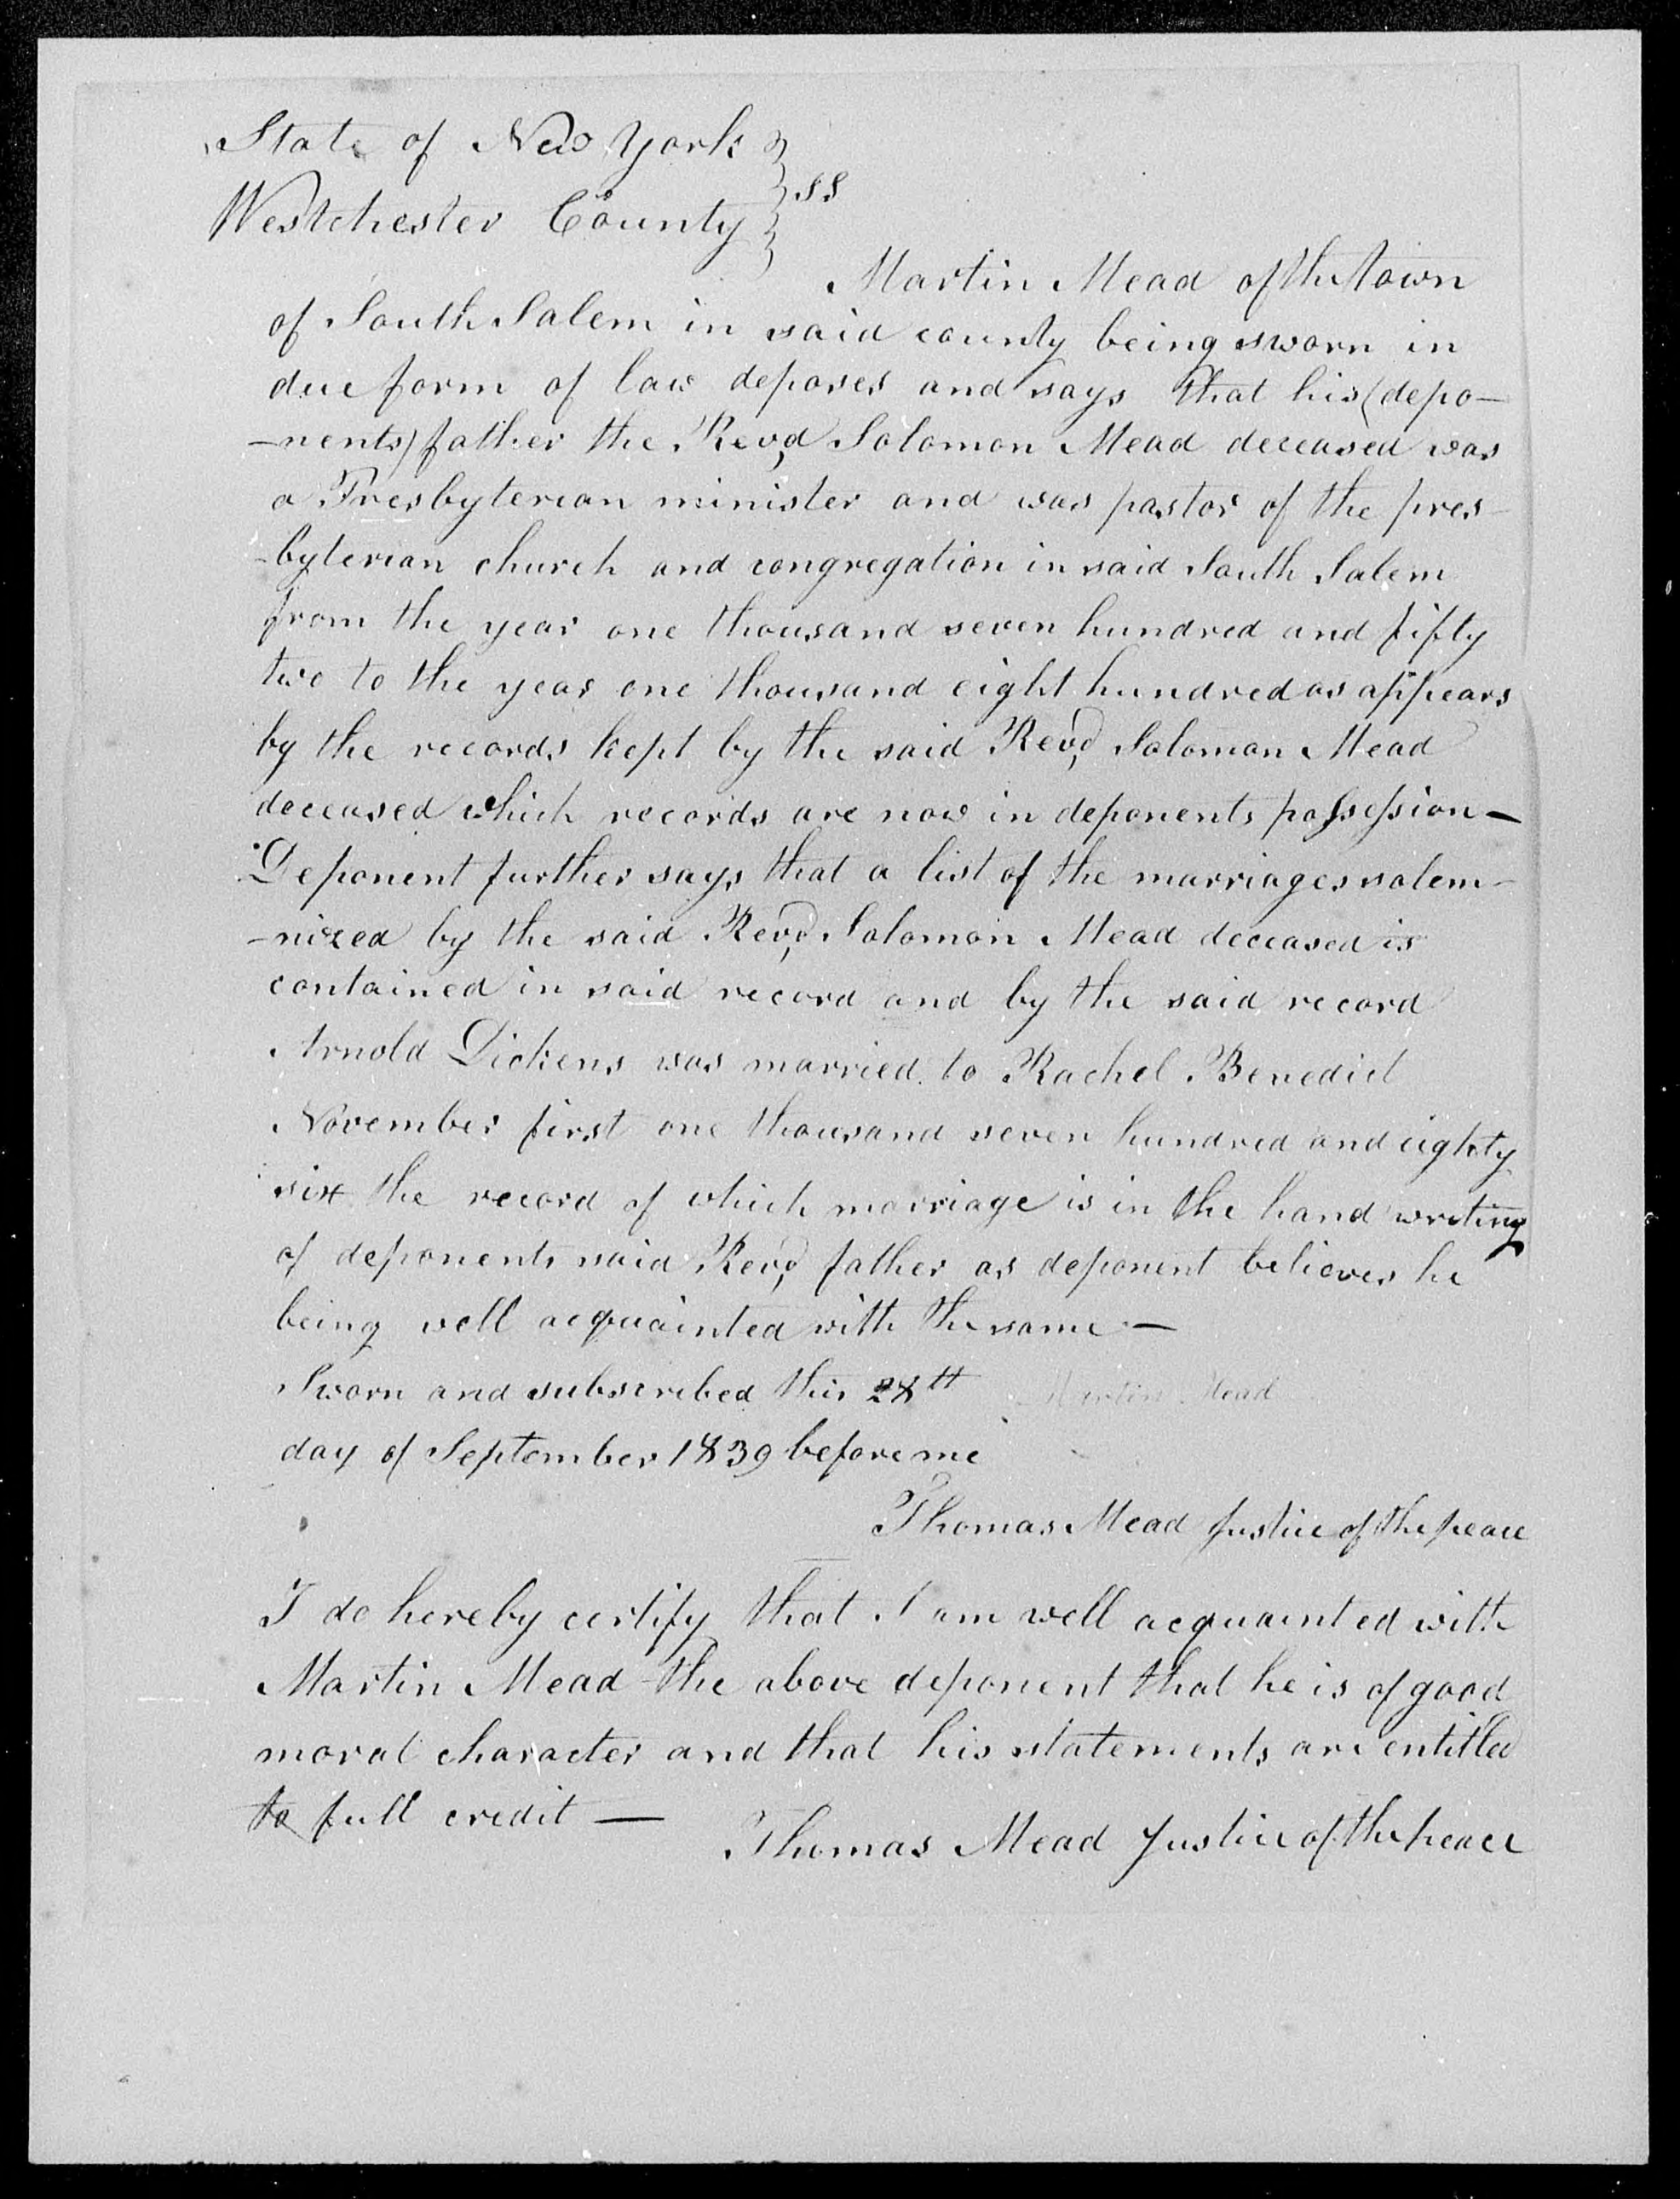State of New York}
Westchester County}  SS

Martin Mead of the town of South Salem in said county being sworn in due form of law deposes and says that his deponents father the Rev'd Solomon Mead deceased was a Presbyterian minister and was pastor of the presbyterian church and congregation in said South Salem from the year one thousand seven hundred and fifty two to the year one thousand eight hundred as appears by the records kept by the said Rev'd Solomon Mead deceased which records are now in deponents possession—  Deponent further says that a list of the marriages solemnized by the said Rev'd Solomon Mead deceased is contained in said record and by the said record Arnold Dickens was married to Rachel Benedict November first one thousand seven hundred and eighty six the record of which marriage is in the hand writing of deponents said Rev'd father as deponent believes he being well acquainted with the same—
Martin Mead
Sworn and subscribed this 28th day
of September 1839 before me
Thomas Mead Justice of the peace

I do hereby certify that I am well acquainted with Martin Mead the above deponent that he is of good moral character and that his statements are entitled to full credit—
Thomas Mead Justice of the peace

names: Solomon Mead, Thomas Mead, Martin Mead, Arnold Dickens, Rachel Benedict, Solomon Mead, Martin Mead, Thomas Mead, Martin Mead, Solomon Mead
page: 29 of 29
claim: widow's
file: W. 17720, Arnold Dickens, New York